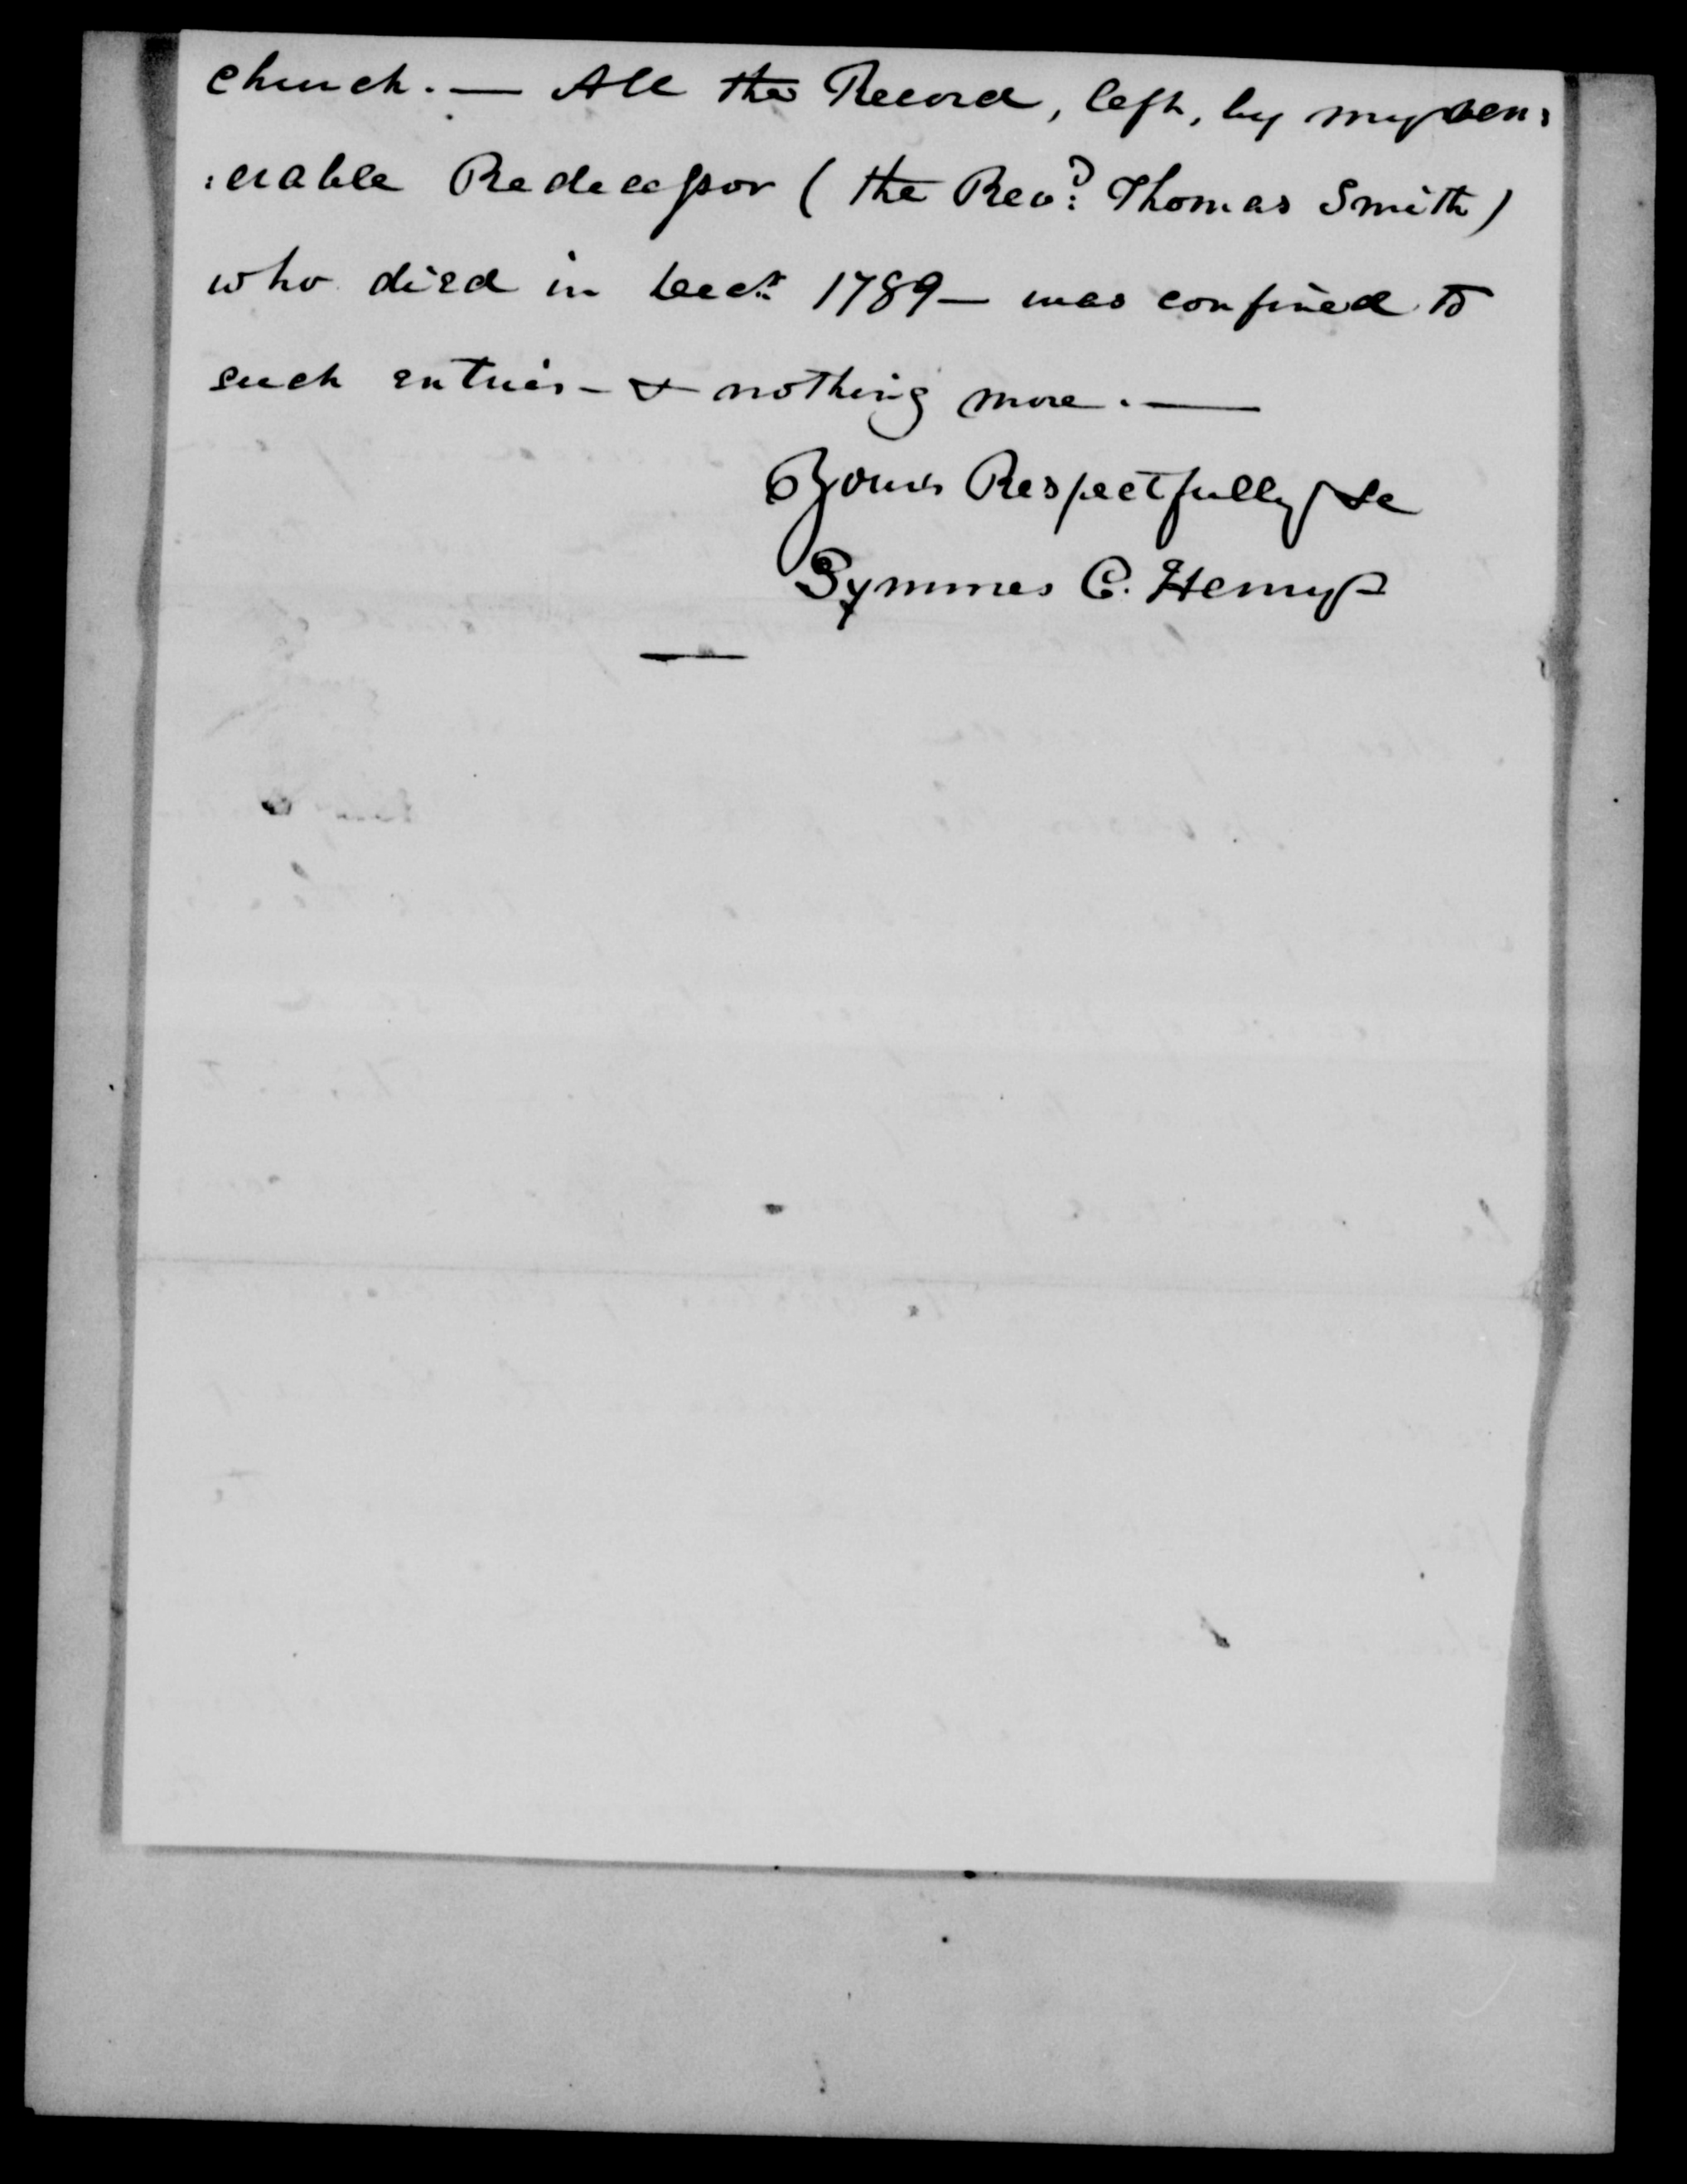church. All the record left by my venerable predecessor (the Rev? Thomas Smith) who died in (illegible) 1789 - was confined to such entries & nothing more.

Yours respectfully
Symmes C. Henry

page: 34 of 46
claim: widow's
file: W. 6205, for John Slover, New Jersey